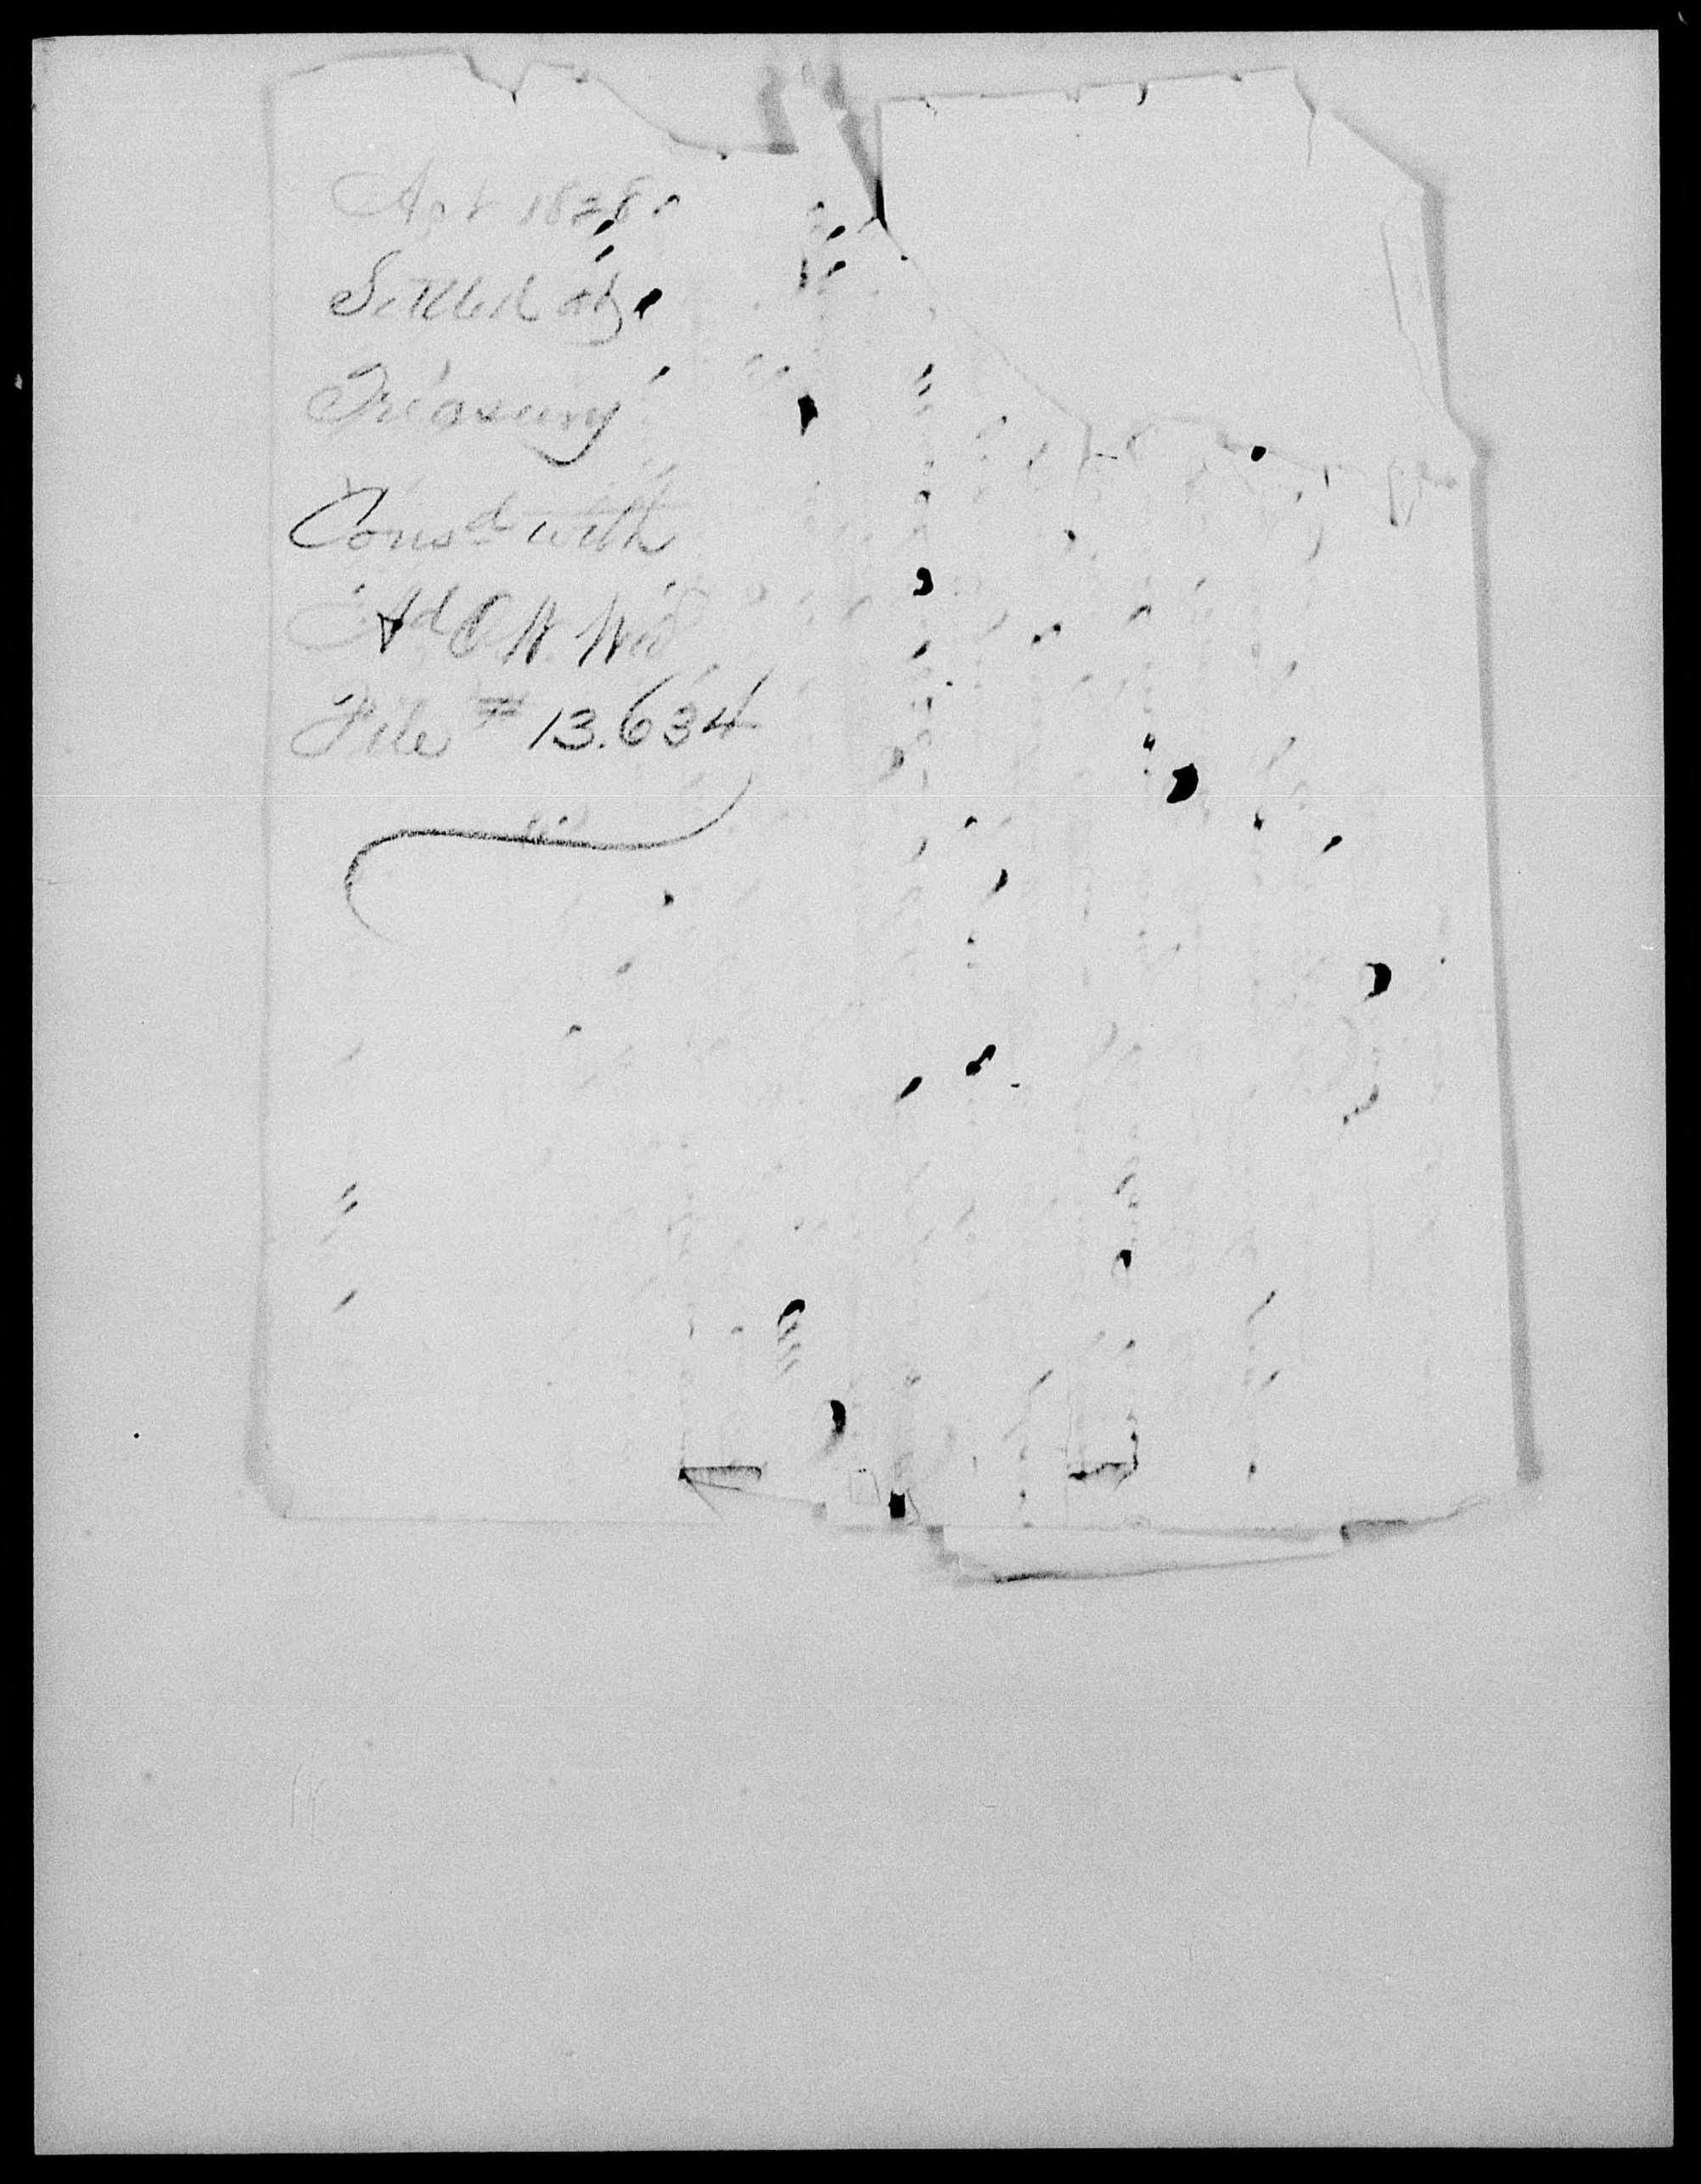Act 1828
Settled
Treasury
Cons'd with
Add a Widow
File # 13.634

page: 34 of 82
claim: widow's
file: W. 13,634, for Rufus Lincoln, Massachusetts